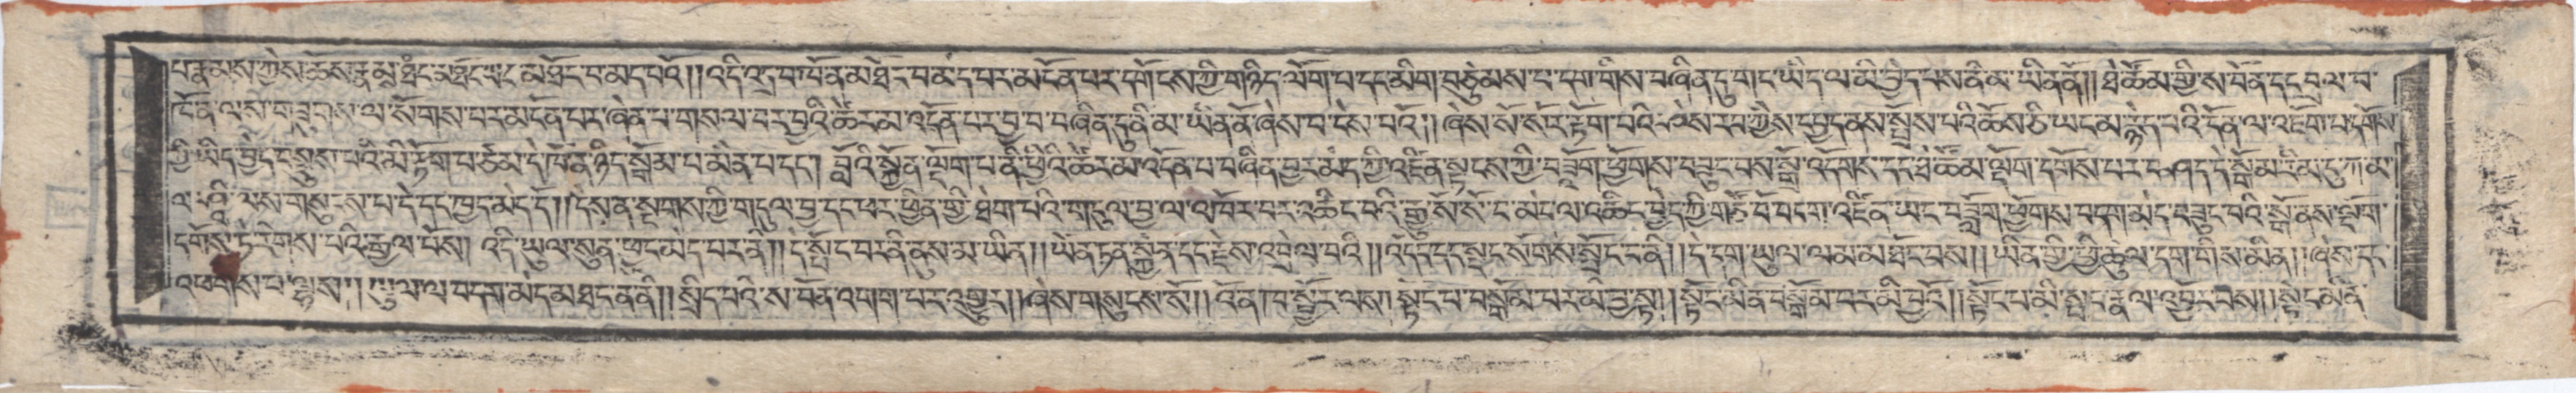པ་རྣམས་ཀྱིས་ཆོས་རྣམས་ཐམས་ཅད་མཐོང་ཡང་མཐོང་བ་མེད་པའོ། །འདི་འདྲ་བ་ཁོ་ན་མཐོང་བ་མེད་པར་མངོན་པར་དགོངས་ཀྱི་གཉིད་ལོག་པ་དང་མིག་བཙུམས་པ་དག་གིས་བཞིན་དུ་གང་ཡིད་ལ་མི་བྱེད་པས་ནི་མ་ཡིན་ནོ། །ཐེ་ཚོམ་གྱི་ས་བོན་དང་བྲལ་བ་
ཁོ་ན་ལས་གཟུགས་ལ་སོགས་པར་མངོན་པར་ཞེན་པ་གསལ་བར་བྱའི་ཚེར་མ་འདོན་པར་བྱ་བ་བཞིན་དུ་ནི་མ་ཡིན་ནོ་ཞེས་པ་ངེས་པའོ། །ཞེས་སོ་སོར་རྟོག་པའི་ཤེས་རབ་ཀྱིས་དཔྱད་ནས་སྤྲོས་པའི་ཆོས་ཅི་ཡང་མ་རྙེད་པའི་དོན་ལ་འཇོག་པ་དགོས་
ཀྱི་ཡིད་བྱེད་བསྡུས་པའི་མི་རྟོག་པ་ཙམ་དེ་ཁོ་ན་ཉིད་སྒོམ་པ་མིན་པ་དང་། བློའི་སྐྱོན་ལྡོག་པ་ནི་ཕྱིའི་ཚེར་མ་འདོན་པ་བཞིན་བྱར་མེད་ཀྱི་འཛིན་སྟངས་ཀྱི་བཟློག་ཕྱོགས་བཟུང་བས་སྒྲོ་འདོགས་དང་ཐེ་ཚོམ་ལྡོག་དགོས་པར་བཤད་དེ་སྒོམ་རིམ་དུ་ཀ་མ་
ལ་ཤཱི་ལས་གསུངས་པ་དེ་དང་ཁྱད་མེད་དོ། །དེས་ན་སྔགས་ཀྱི་གདུལ་བྱ་དང་ཕར་ཕྱིན་གྱི་ཐེག་པའི་གདུལ་བྱ་ལ་འཁོར་བར་འཆིང་བའི་རྒྱུ་སོ་སོ་བ་མེད་ལ་འཆིང་བྱེད་ཀྱི་གཙོ་བོ་བདག་འཛིན་ཡང་བཟློག་ཕྱོགས་བདག་མེད་བཟུང་བའི་སྒོ་ནས་ལྡོག་
དགོས་ཏེ་རིགས་པའི་རྒྱལ་པོས། འདི་ཡུལ་སུན་ཕྱུང་མེད་པར་ནི། །དེ་སྤོང་བར་ནི་ནུས་མ་ཡིན། །ཡོན་ཏན་སྐྱོན་དང་རྗེས་འབྲེལ་བའི། །འོད་དེ་དང་སྡང་སོགས་སྤོང་བ་ནི། །དེ་དག་ཡུལ་ལམ་མཐོང་བས། །ཡིན་གྱི་ཕྱི་ཚུལ་དག་གིས་མིན། །ཞེས་དང་
འཕགས་པ་ལྷས། །ཡུལ་ལ་བདག་མེད་མཐང་ན་ནི། །སྲིད་པའི་ས་བོན་འགག་པར་འགྱུར། །ཞེས་གསུངས་སོ། །འོ་ན་ཁ་སྦྱོར་ལས། སྟོང་པ་བསྒོམ་པར་མི་བྱ་སྟེ། །སྟོང་མིན་བསྒོམ་པར་མི་བྱའོ། །སྟོང་པ་མི་སྤང་རྣལ་འབྱོར་པས། །སྟོང་མིན་